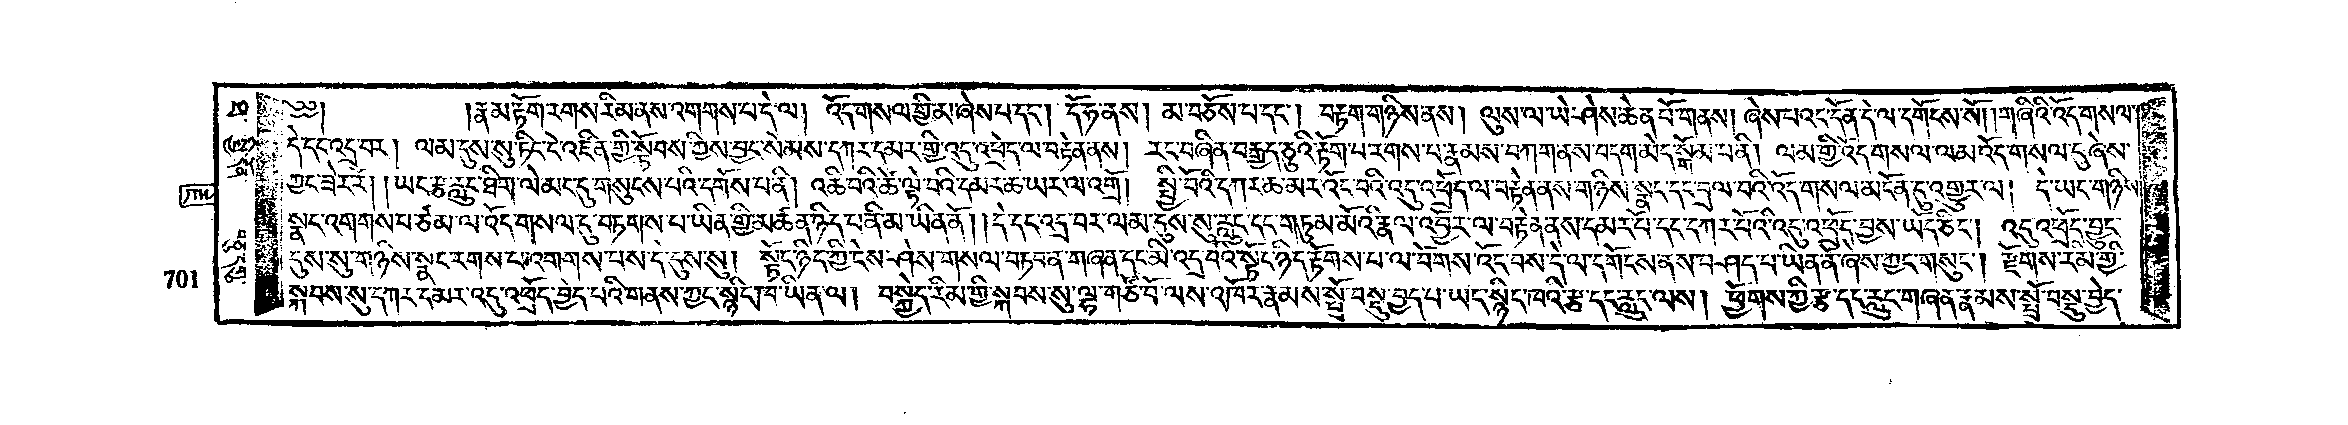༄༅། །རྣམ་རྟོག་རགས་རིམ་ནས་འགགས་པ་དེ་ལ། འོད་གསལ་གྱི་མ་ཞེས་པ་དང་། དོ་ཧ་ནས། མ་བཅེས་པ་དང་། བརྟག་གཉིས་ནས། ལུས་ལ་ཡེ་ཤེས་ཆེན་པོ་གནས། ཞེས་པའང་དོན་དེ་ལ་དགོངས་སོ། །གཞིའི་འོད་གསལ་
དེ་དང་འདྲ་བར། ལམ་དུས་སུ་ཏིང་ངེ་འཛིན་གྱི་སྟོབས་ཀྱིས་བྱང་སེམས་དཀར་དམར་གྱི་འདུ་འཕྲེད་ལ་བརྟེན་ནས། རང་བཞིན་བརྒྱད་ཅུའི་རྟོག་པ་རགས་པ་རྣམས་བཀག་ནས་བདག་མེད་སྒོམ་པ་ནི། ལམ་གྱི་འོད་གསལ་ལམ་འོད་གསལ་བུ་ཞེས་
ཀྱང་ཟེར་རོ། །ཡང་རྩ་རླུང་ཐིག་ལེ་མང་དུ་གསུངས་པའི་དགོས་པ་ནི། འཆི་བའི་ཚེ་ལྟེ་བའི་དམར་ཆ་ཡར་ལ་འགྲོ། སྤྱི་བོའི་དཀར་ཆ་མར་འོང་བའི་འདུ་འཕྲོད་ལ་བརྟེན་ནས་གཉིས་སྣང་དང་བྲལ་བའི་འོད་གསལ་མངོན་དུ་འགྱུར་ལ། དེ་ཡང་གཉིས་
སྣང་འགགས་པ་ཙམ་ལ་འོད་གསལ་དུ་བཏགས་པ་ཡིན་གྱི་མཚན་ཉིད་པ་ནི་མ་ཡིན་ནོ། །དེ་དང་འདྲ་བར་ལམ་དུས་སུ་རླུང་དང་གཏུམ་མོའི་རྣལ་འབྱོར་ལ་བརྟེན་ནས་དམར་པོ་དང་དཀར་པོའི་འདུ་འཕྲོད་བྱས་ཡོད་ཅིང་། འདུ་འཕྲོད་བྱུང་
དུས་སུ་གཉིས་སྣང་རགས་པ་འགགས་པས་དེ་དུས་སུ། སྟོང་ཉིད་ཀྱི་ངེས་ཤེས་གསལ་བཏབ་ན་གཞན་དང་མི་འདྲ་བའི་སྟོང་ཉིད་རྟོགས་པ་ལ་བོགས་འོང་བས་དེ་ལ་དགོངས་ནས་བཤད་པ་ཡིན་ནོ་ཞེས་ཀྱང་གསུང་། རྫོགས་རིམ་གྱི་
སྐབས་སུ་དཀར་དམར་འདུ་འཕྲོད་བྱེད་པའི་གནས་ཀྱང་སྙིང་ཁ་ཡིན་ལ། བསྐྱེད་རིམ་གྱི་སྐབས་སུ་ལྷ་གཙོ་བོ་ལས་འཁོར་རྣམས་སྤྲོ་བསྡུ་བྱད་པ་ཡང་སྙིང་ཁའི་རྩ་དང་རླུང་ལས། ཕྱོགས་ཀྱི་རྩ་དང་རླུང་གཞན་རྣམས་སྤྲོ་བསྡུ་བྱེད་